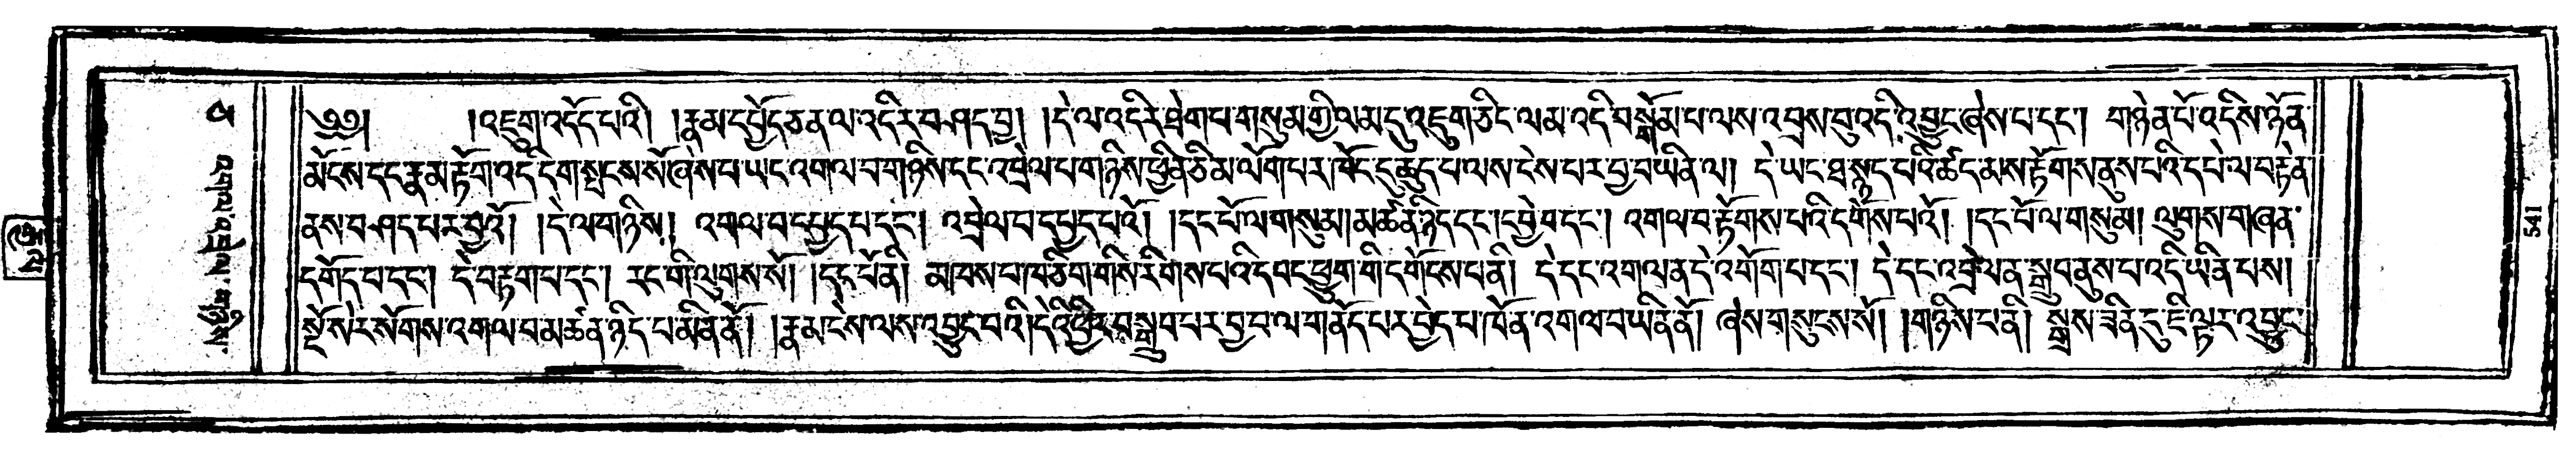༄༅། །འཇུག་འདོད་པའི། །རྣམ་དཔྱོད་ཅན་ལ་འདིར་བཤད་བྱ། །དེ་ལ་འདིར་ཐེག་པ་གསུམ་གྱི་ལམ་དུ་འཇུག་ཅིང་ལམ་འདི་བསྒོམ་པ་ལས་འབྲས་བུ་འདི་འབྱུང་ཞེས་པ་དང་། གཉེན་པོ་འདིས་ཉོན་
མོངས་དང་རྣམ་རྟོག་འདི་དག་སྤངས་སོ་ཞེས་པ་ཡང་འགལ་བ་གཉིས་དང་འབྲེལ་པ་གཉིས་ཕྱིན་ཅི་མ་ལོག་པར་ཁོང་དུ་ཆུད་པ་ལས་ངེས་པར་བྱ་བ་ཡིན་ལ། དེ་ཡང་ཐ་སྙད་པའི་ཚད་མས་རྟོགས་ནུས་པའི་དཔེ་ལ་བརྟེན་
ནས་བཤད་པར་བྱའོ། །དེ་ལ་གཉིས། འགལ་བ་དཔྱད་པ་དང་། འབྲེལ་པ་དཔྱད་པའོ། །དང་པོ་ལ་གསུམ། མཚན་ཉིད་དང་། དབྱེ་བ་དང་། འགལ་བ་རྟོགས་པའི་དགོས་པའོ། །དང་པོ་ལ་གསུམ། ལུགས་གཞན་
དགོད་པ་དང་། དེ་བརྟག་པ་དང་། རང་གི་ལུགས་སོ། །དང་པོ་ནི། མཁས་པ་ཁ་ཅིག་གིས་རིགས་པའི་དབང་ཕྱུག་གི་དགོངས་པ་ནི། དེ་དང་འགལ་ན་དེ་འགོག་པ་དང་། དེ་དང་འབྲེལ་ན་སྒྲུབ་ནུས་པ་འདི་ཡིན་པས།
སྔོ་སེར་སོགས་འགལ་བ་མཚན་ཉིད་པ་མིན་ནོ། །རྣམ་ངེས་ལས་འབྱུང་བའི། དེའི་ཕྱིར་བསྒྲུབ་པར་བྱ་བ་ལ་གནོད་པར་བྱེད་པ་ཁོ་ན་འགལ་བ་ཡིན་ནོ། ཞེས་གསུངས་སོ། །གཉིས་པ་ནི། སྒྲས་ཟིན་དུ་ཇི་ལྟར་འབྱུང་